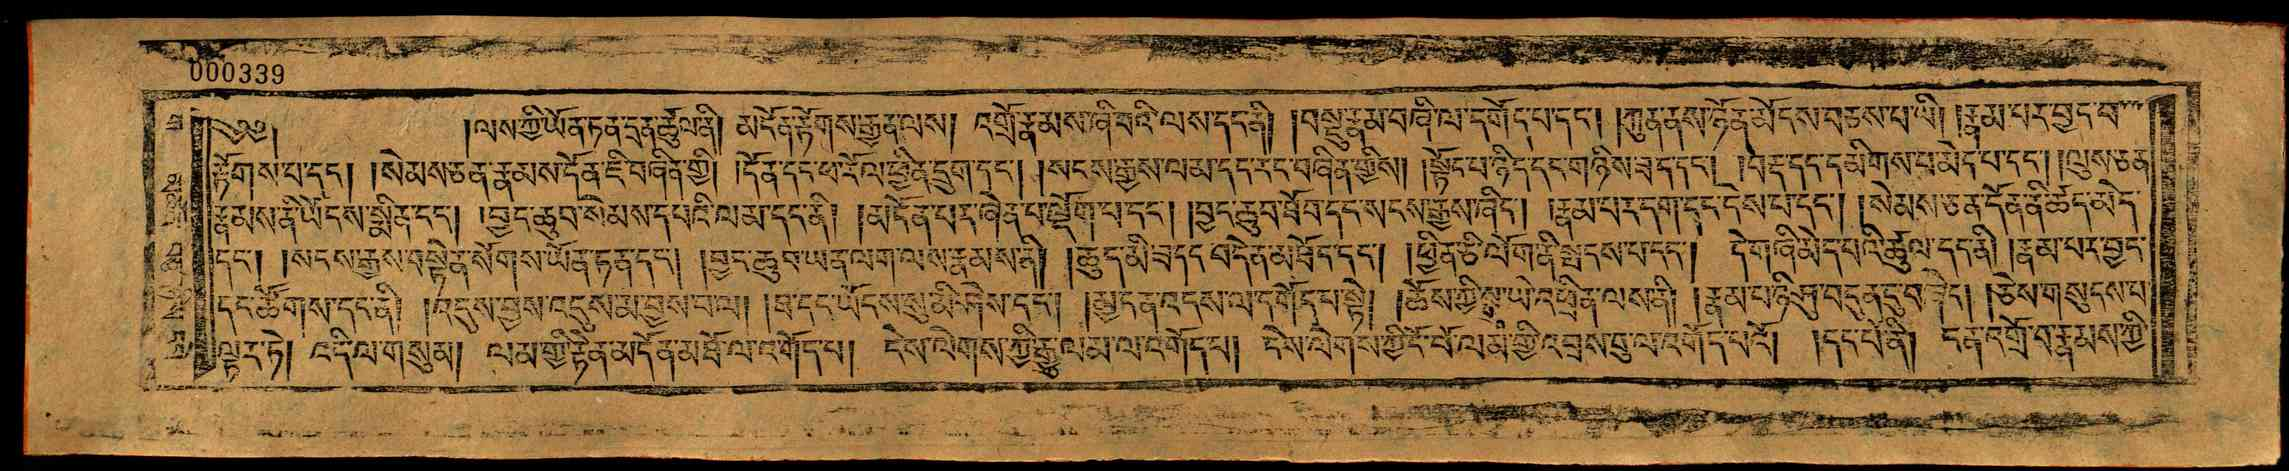༄༅། །ལས་ཀྱི་ཡོན་ཏན་དྲན་ཚུལ་ནི། མངོན་རྟོགས་རྒྱན་ལས། འགྲོ་རྣམས་ཞི་བའི་ལས་དང་ནི། །བསྡུ་རྣམ་བཞི་ལ་དགོང་པ་དང་། །ཀུན་ནས་ཉོན་མོངས་བཅས་པ་ཡི། །རྣམ་པར་བྱང་བ་
རྟོགས་པ་དང་། །སེམས་ཅན་རྣམས་དོན་ཇི་བཞིན་གྱི། །དོན་དང་ཕ་རོལ་ཕྱིན་དྲུག་དང་། །སངས་རྒྱས་ལམ་དང་རང་བཞིན་གྱིས། །སྟོང་པ་ཉིད་དང་གཉིས་ཟད་དང་། །བརྡ་དང་དམིགས་པ་མེད་པ་དང་། །ལུས་ཅན་
རྣམས་ནི་ཡོངས་སྨིན་དང་། །བྱང་ཆུབ་སེམས་དཔའི་ལམ་དང་ནི། །མངོན་པར་ཞེན་པ་ལྡོག་པ་དང་། །བྱང་ཆུབ་ཐོབ་དང་སངས་རྒྱས་ཞིང་། །རྣམ་པར་དག་དང་ངེས་པ་དང་། །སེམས་ཅན་དོན་ནི་ཚད་མེད་
དང་། །སངས་རྒྱས་བསྟེན་སོགས་ཡོན་ཏན་དང་། །བྱང་ཆུབ་ཡན་ལག་ལས་རྣམས་ནི། །ཆུད་མི་ཟ་དང་བདེན་མཐོང་དང་། །ཕྱིན་ཅི་ལོག་ནི་སྤངས་པ་དང་། །དེ་གཞི་མེད་པའི་ཚུལ་དང་ནི། །རྣམ་པར་བྱང་
དང་ཚོགས་དང་ནི། །འདུས་བྱས་འདུས་མ་བྱས་པ་ལ། །ཐ་དད་ཡོངས་སུ་མི་ཤེས་དང་། །མྱ་ངན་འདས་ལ་དགོད་པ་སྟེ། །ཆོས་ཀྱི་སྐུ་ཡི་འཕྲིན་ལས་ནི། །རྣམ་པ་ཉི་ཤུ་བདུན་དུ་བཞེད། །ཅེས་གསུངས་པ་
ལྟར་ཏེ། འདི་ལ་གསུམ། ལམ་གྱི་རྟེན་མངོན་མཐོ་ལ་འགོད་པ། ངེས་ལེགས་ཀྱི་རྒྱུ་ལམ་ལ་འགོད་པ། ངེས་ལེགས་ཀྱི་ངོ་བོ་ལམ་གྱི་འབྲས་བུ་ལ་འགོད་པའོ། །དང་པོ་ནི། ༡་ངན་འགྲོ་བ་རྣམས་ཀྱི་